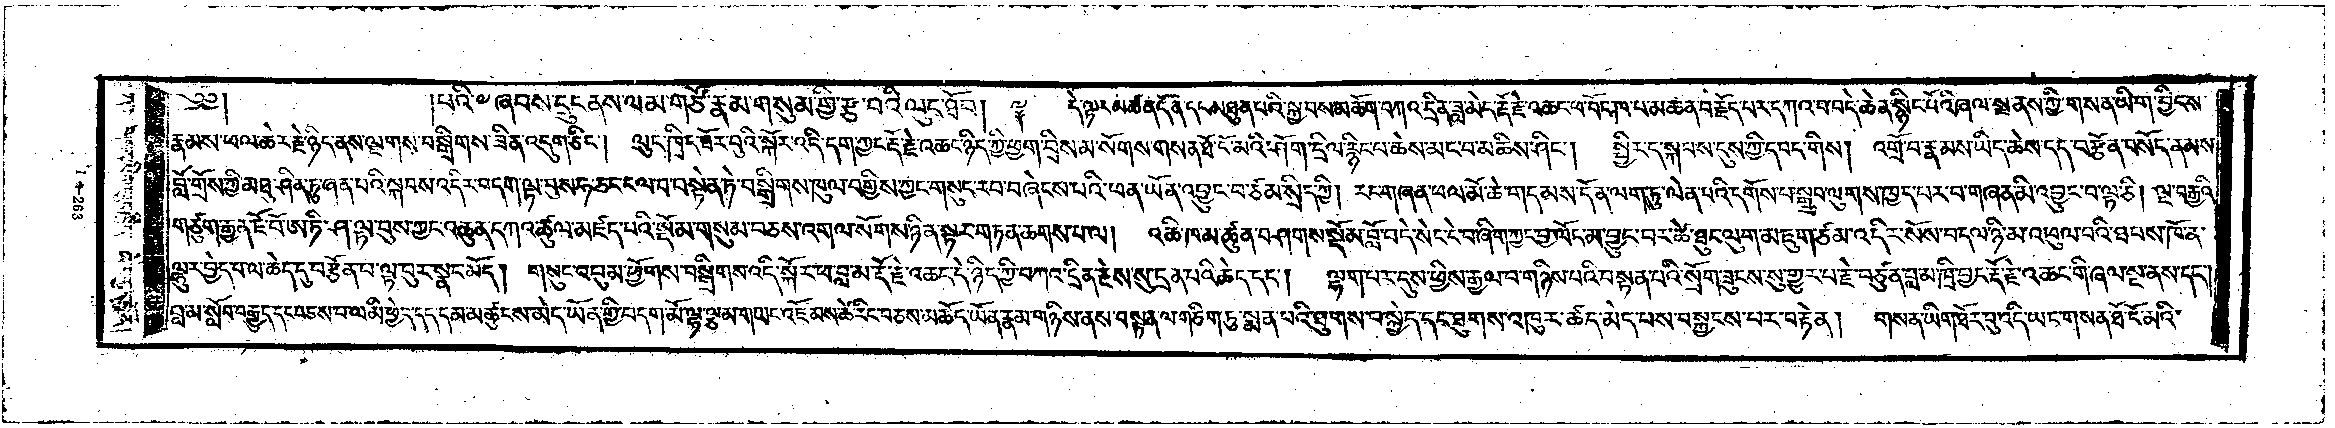༄༅། །པའི ༧ཞབས་དྲུང་ནས་ལམ་གཙོ་རྣམ་གསུམ་གྱི་རྩ་བའི་ལུང་ཐོབ། འ་དེ་ལྟར་མཚན་དོན་དང་མཐུན་པའི་སྐྱབས་མཆོག་བཀའ་དྲིན་ཟླ་མེད་རྡོ་རྗེ་འཆང་ཕ་བོང་ཁ་པ་མཚན་བརྗོད་པར་དཀའ་བ་བདེ་ཆེན་སྙིང་པོའི་ཞལ་སྤ་ནས་ཀྱི་གསན་ཡིག་བྱིངས་
རྣམས་ཕལ་ཆེར་རྗེ་ཉིད་ནས་ལྗགས་བསྒྲིགས་ཟིན་འདུག་ཅིང་། ལུང་ཁྲིད་ཐོར་བུའི་སྐོར་འདི་དག་ཀྱང་རྡོ་རྗེ་འཆང་ཉིད་ཀྱི་ཕྱག་བྲིས་མ་སོགས་གསན་ཐོ་ངོ་མའི་ཤོག་དྲིལ་རྙིང་པ་ཆེས་མང་བ་མཆིས་ཤིང་། སྤྱིར་ད་སྐབས་དུས་ཀྱི་དབང་གིས། འགྲོ་བ་རྣམས་ཡིད་ཆེས་དད་བརྩོན་བསོད་ནམས་
བློ་གྲོས་ཀྱི་མཐུ་ཤིན་ཏུ་ཞན་པའི་སྐབས་འདིར་བདག་ལྟ་བུས་ཧ་ཅང་ངལ་བ་བསྟེན་ཏེ་བསྒྲིགས་ཁུལ་བགྱིས་ཀྱང་གསུང་རབ་བཞེངས་པའི་ཕན་ཡོན་འབྱུང་བ་ཙམ་སྲིད་ཀྱི། རང་གཞན་ཕལ་མོ་ཆེ་གདམས་དོན་ལག་ཏུ་ལེན་པའི་དགོས་པ་སྒྲུབ་ལུགས་ཁྱད་པར་བ་གཞན་མི་འབྱུང་བ་ལྟ་ཅི། ལྔ་བརྒྱའི་
གཙུག་རྒྱན་ཇོ་བོ་ཨ་ཏི་ཤ་ལྟ་བུས་ཀྱང་འཆུན་དཀའ་ཚུལ་མཛད་པའི་སྡོམ་གསུམ་བཅས་འགལ་སོགས་ཉིན་སྟར་གཏན་ཆགས་པ་ལ། འཆི་ཁ་མ་ཚུན་བཤགས་སྡོམ་བློ་བདེ་སེང་ངེ་བ་ཞིག་ཀྱང་བྱ་ལོང་མ་བྱུང་བར་ཚེ་ཐུང་ལུག་མཇུག་ཙམ་འདིར་སོས་བདལ་ཉི་མ་འཕུལ་བའི་ཐབས་ཁོ་ན་
ལྷུར་བྱེད་པ་ལ་ཆེད་དུ་བརྩོན་པ་ལྟ་བུར་སྣང་མོད། གསུང་འབུམ་ཕྱོགས་བསྒྲིགས་འདི་སྐོར་ཕ་བླ་མ་རྡོ་རྗེ་འཆང་དེ་ཉིད་ཀྱི་བཀའ་དྲིན་རྗེས་སུ་དྲན་པའི་ཆེད་དང་། ལྷག་པར་དུས་ཕྱིས་རྒྱལ་བ་གཉིས་པའི་བསྟན་པའི་སྲོད་ཟུངས་སུ་གྱུར་པ་རྗེ་བཙུན་བླ་མ་ཁྲི་བྱང་རྡོ་རྗེ་འཆང་གི་ཞལ་སྔ་ནས་དང་།
བླ་མ་སློབ་བརྒྱུད་དང་བཅས་པ་ལ་མི་ཕྱེད་དད་དམ་མཚུངས་མེད་ཡོན་གྱི་བདག་མོ་ལྷ་ལྕམ་གཡང་འཇོམས་ཚེ་རིང་བཅས་མཆོད་ཡོན་རྣམ་གཉིས་ནས་བསྟན་ལ་གཅིག་ཏུ་སྨན་པའི་ཐུགས་བསྐྱེད་དང་ཐུགས་འཁུར་ཚད་མེད་པས་བསྐྱངས་པར་བརྟེན། གསན་ཡིག་ཐོར་བུ་འདི་ཡང་གསན་ཐོ་ངོ་མའི་